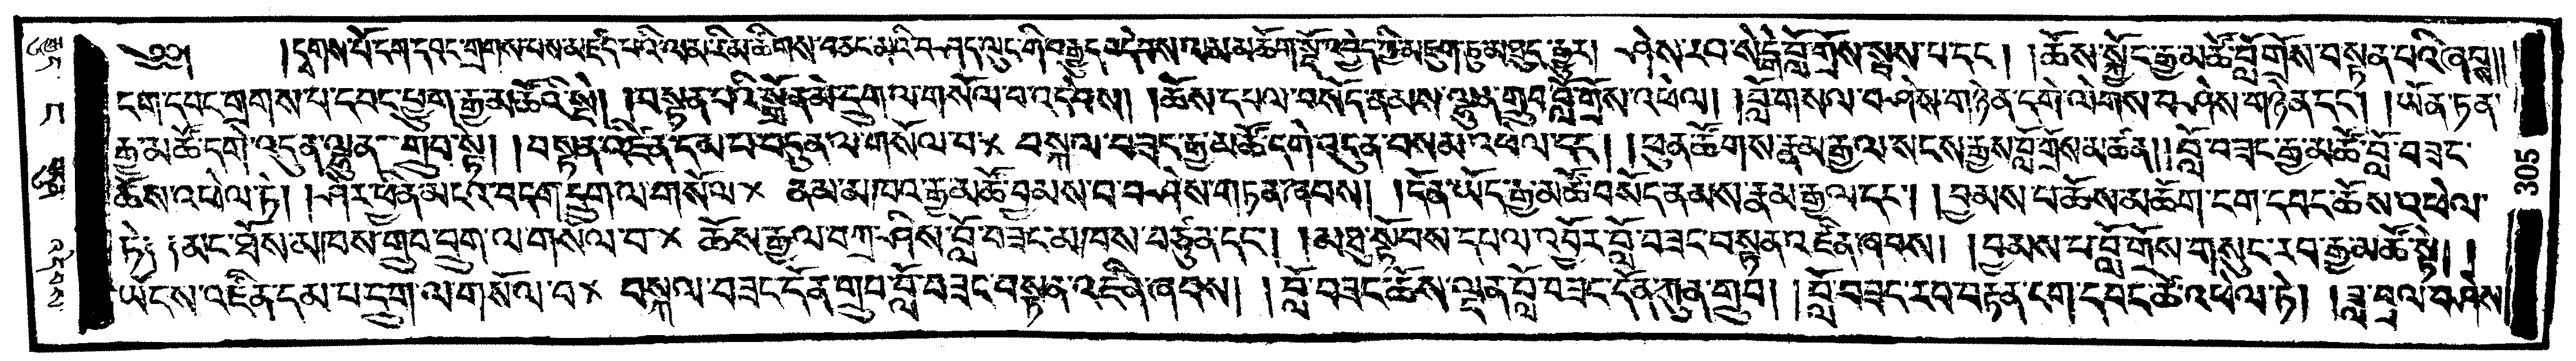༄༅། །དྭགས་པོ་ངག་དབང་གྲགས་པས་མཛད་པའི་ལམ་རིམ་ཚིགས་བཅད་མའི་བཤད་ལུང་གི་བརྒྱུད་བདེབས་ལམ་མཆོག་སྡོ་འབྱེད་ཀྱི་མཇུག་ཏུ་མཐུད་རྒྱུར། ཤེས་རབ་སེངྒེ་བློ་གྲོས་སྦས་པ་དང་། །ཆོས་སྐྱོང་རྒྱ་མཚོ་བློ་གྲོས་བསྟན་པའི་ཞབས། །
ངག་དབང་གྲགས་པ་དབང་ཕྱུག་རྒྱ་མཚོའི་སྡེ། །བསྟན་པའི་སྒྲོན་མེ་དྲུག་ལ་གསོལ་བ་འདེབས། །ཆོས་དཔལ་བསོད་ནམས་ལྷུན་གྲུབ་བློ་གྲོས་འཕེལ། །བློ་གསལ་བཤེས་གཉེན་དགེ་ལེགས་བཤེས་གཉེན་དང་། །ཡོན་ཏན་
རྒྱ་མཚོ་དགེ་འདུན་ལྷུན་གྲུབ་སྟེ། །བསྟན་འཛིན་དམ་པ་བདུན་ལ་གསོལ་བ་{྾}་བསྐལ་བཟང་རྒྱ་མཚོ་དགེ་འདུན་བསམ་འཕེལ་དང་། །ཕུན་ཚོགས་རྣམ་རྒྱལ་སངས་རྒྱས་བློ་གྲོས་མཚན། །བློ་བཟང་རྒྱ་མཚོ་བློ་བཟང་
ཆོས་འཕེལ་ཏེ། །ཤེར་ཕྱིན་མངའ་བདག་དྲུག་ལ་གསོལ་{྾}་ནམ་མཁའ་རྒྱ་མཚོ་བྱམས་བ་བཤེས་གཏན་ཞབས། །དོན་ཡོད་རྒྱ་མཚོ་བསོད་ནམས་རྣམ་རྒྱལ་དང་། །བྱམས་པ་ཆོས་མཆོག་ངག་དབང་ཆོས་འཕེལ་
ཏེ། །མང་ཐོས་མཁས་གྲུབ་བྲུག་ལ་གསོལ་བ་{྾}་ཆོས་རྒྱལ་བཀྲ་ཤིས་བློ་བཟང་མཁས་བཙུན་དང་། །མཐུ་སྟོབས་དཔལ་འབྱོར་བློ་བཟང་བསྟན་འཛིན་ཞབས། །བྱམས་པ་བློ་གྲོས་གསུང་རབ་རྒྱ་མཚོ་སྟེ། །
ཡོངས་འཛིན་དམ་པ་དྲུག་ལ་གསོལ་བ་{྾}་བསྐལ་བཟང་དོན་གྲུབ་བློ་བཟང་བསྟན་འཛིན་ཞབས། །བློ་བཟང་ཆོས་ལྡན་བློ་བཟང་དོན་ཀུན་གྲུབ། །བློ་བཟང་རབ་བརྟན་ངག་དབང་ཚེ་འཕེལ་ཏེ། །ཟླ་བྲལ་བཤེས་